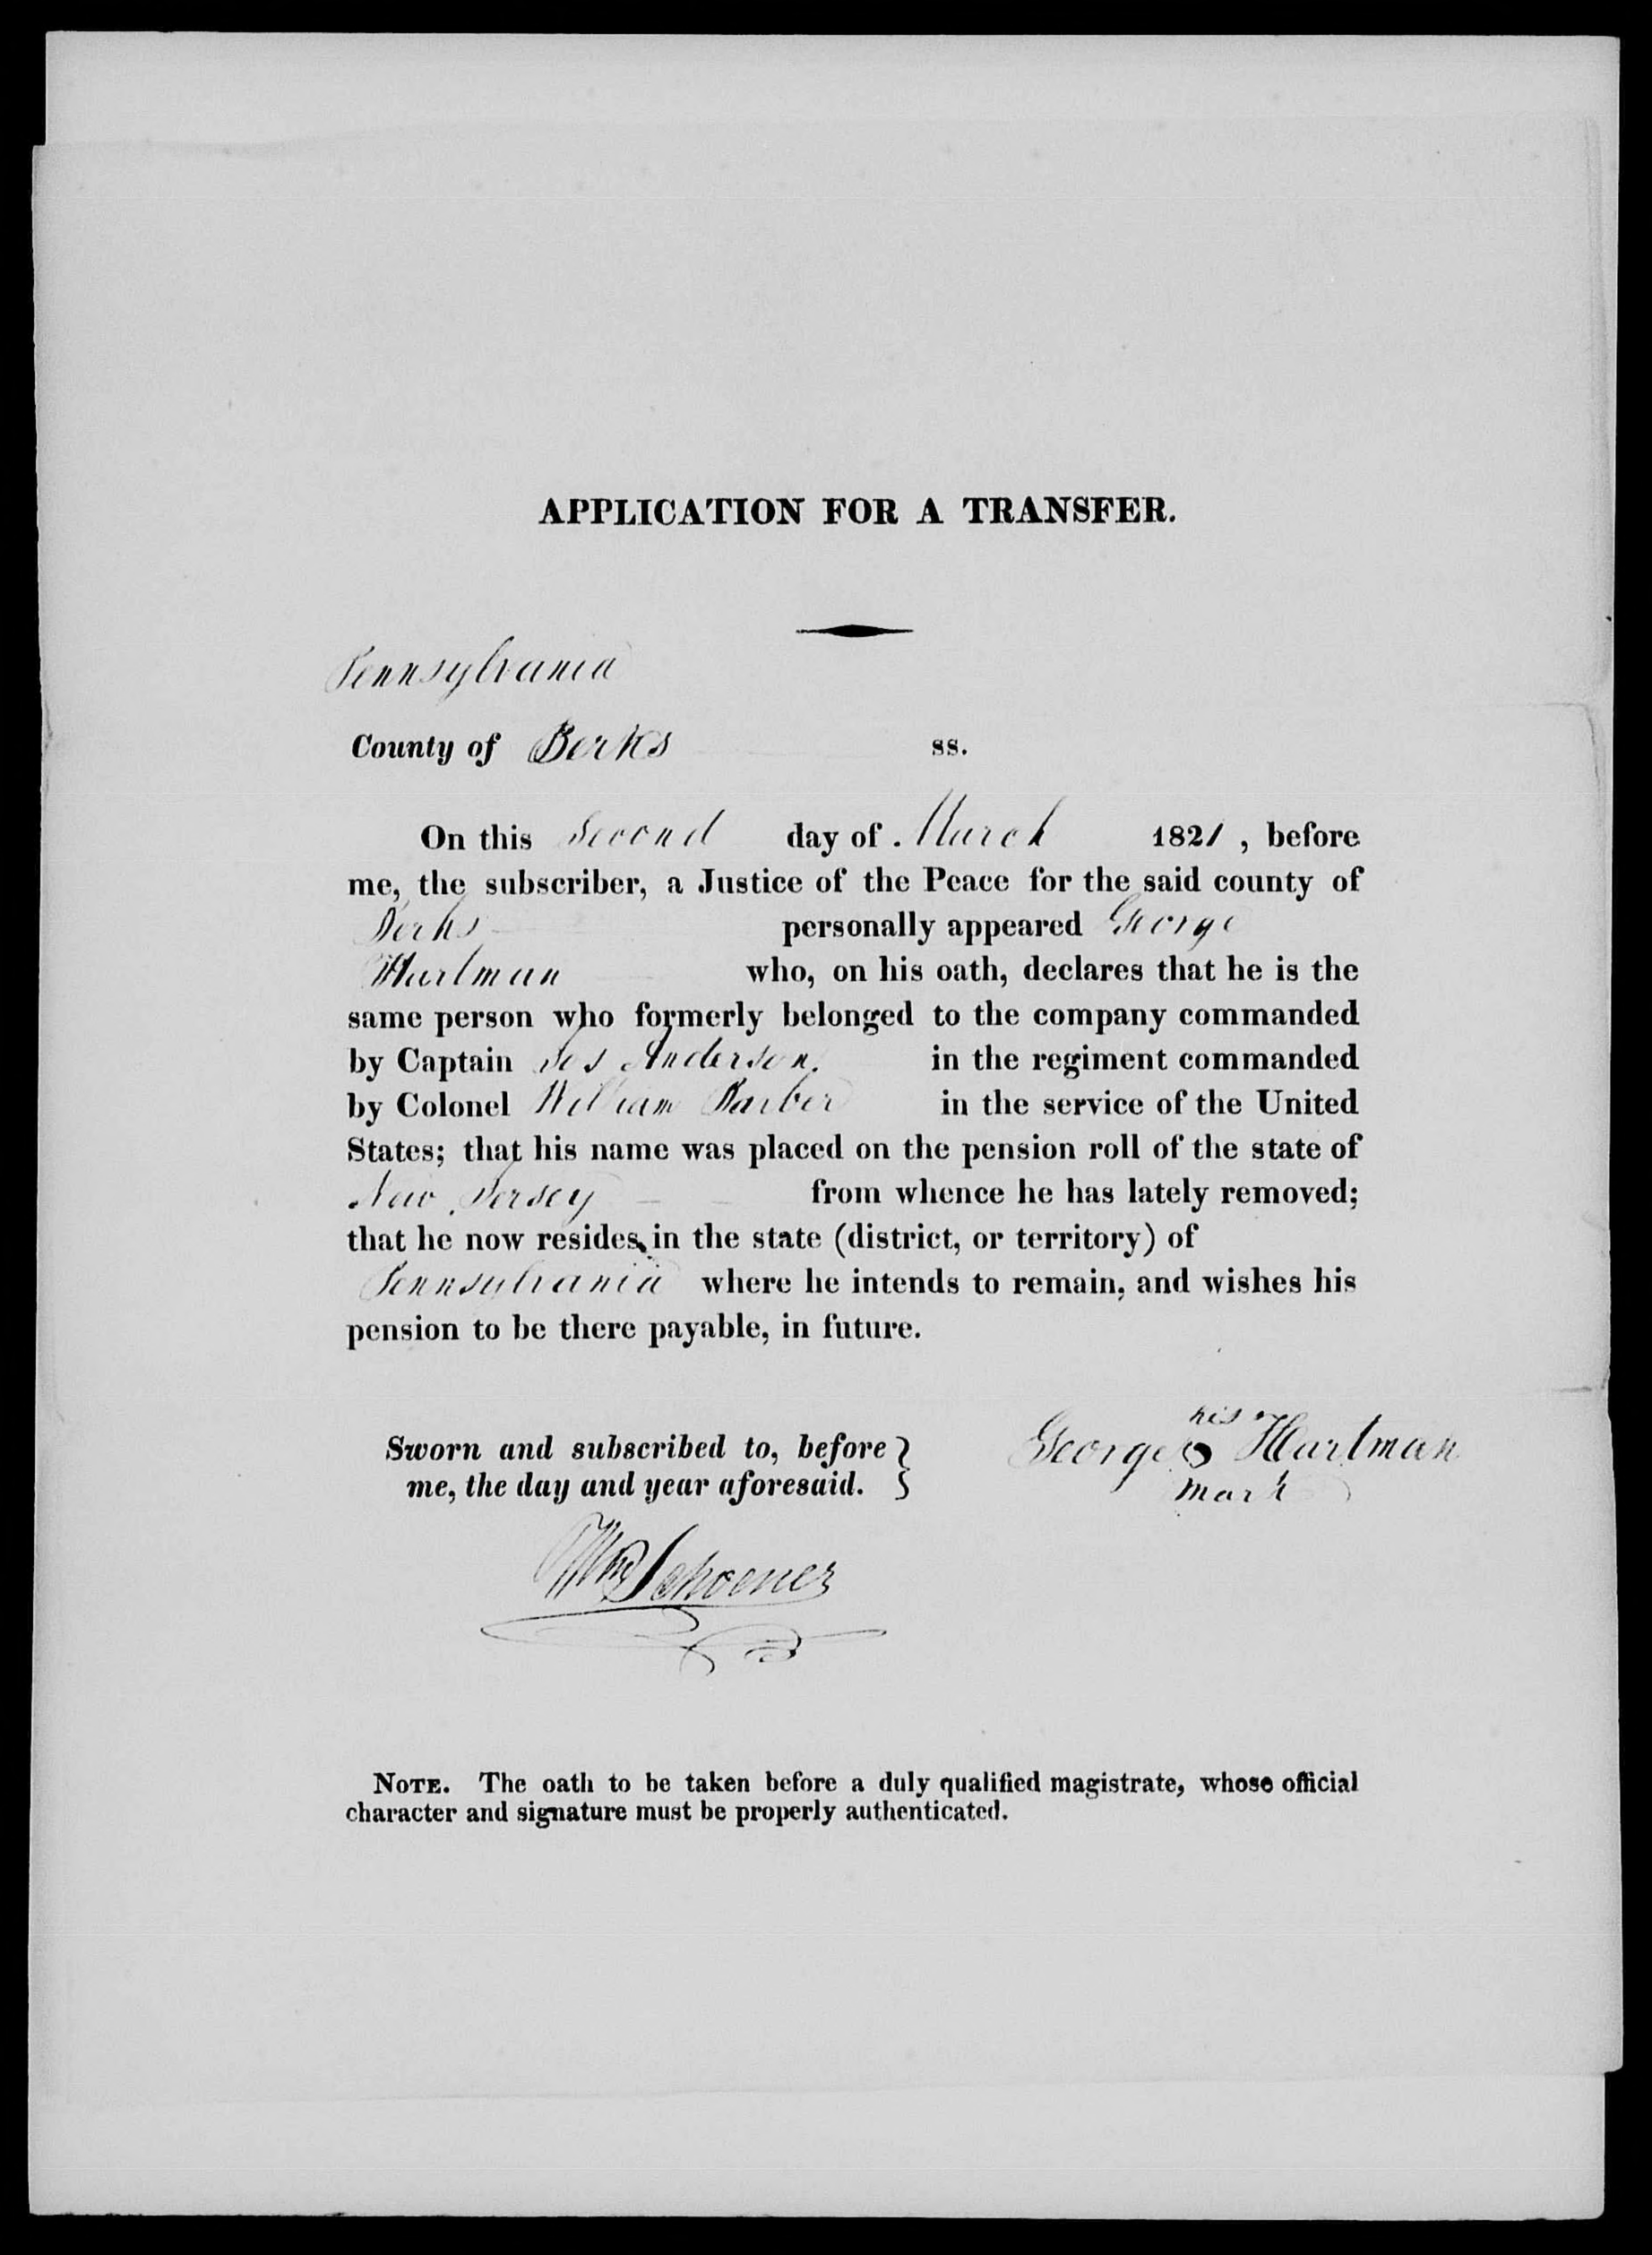APPLICATION FOR A TRANSFER

Pennsylvania

County of Berks  SS.

On the Second day of March 1821, before me, the subscriber, a Justice of the Peace for the said county of Berks personally appeared George Hartman who, on his oath, declares that he is the same person who formerly belonged to the company commanded by Captain Jos Anderson in the regiment commanded by Colonel William Berber in the service of the United States; that his name was placed on the pension roll of the state of New Jersey from whence he has lately removed; that he now resides in the state (district, or territory) of Pennsylvania where he intends to remain, and wishes his pension to be there payable, in future.

Sworn and subscribed to, before me, the day and year aforesaid}

George Hartman [circle] his mark

Wm Schoener

The oath to be taken before a duly qualified magistrate, whose official character and signature must be properly authenticated.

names: George Hartman, George Hartman, William Barber, Wm J Schoener, Jos Anderson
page: 24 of 29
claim: widow's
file: W. 2,789, George Hartman, New Jersey